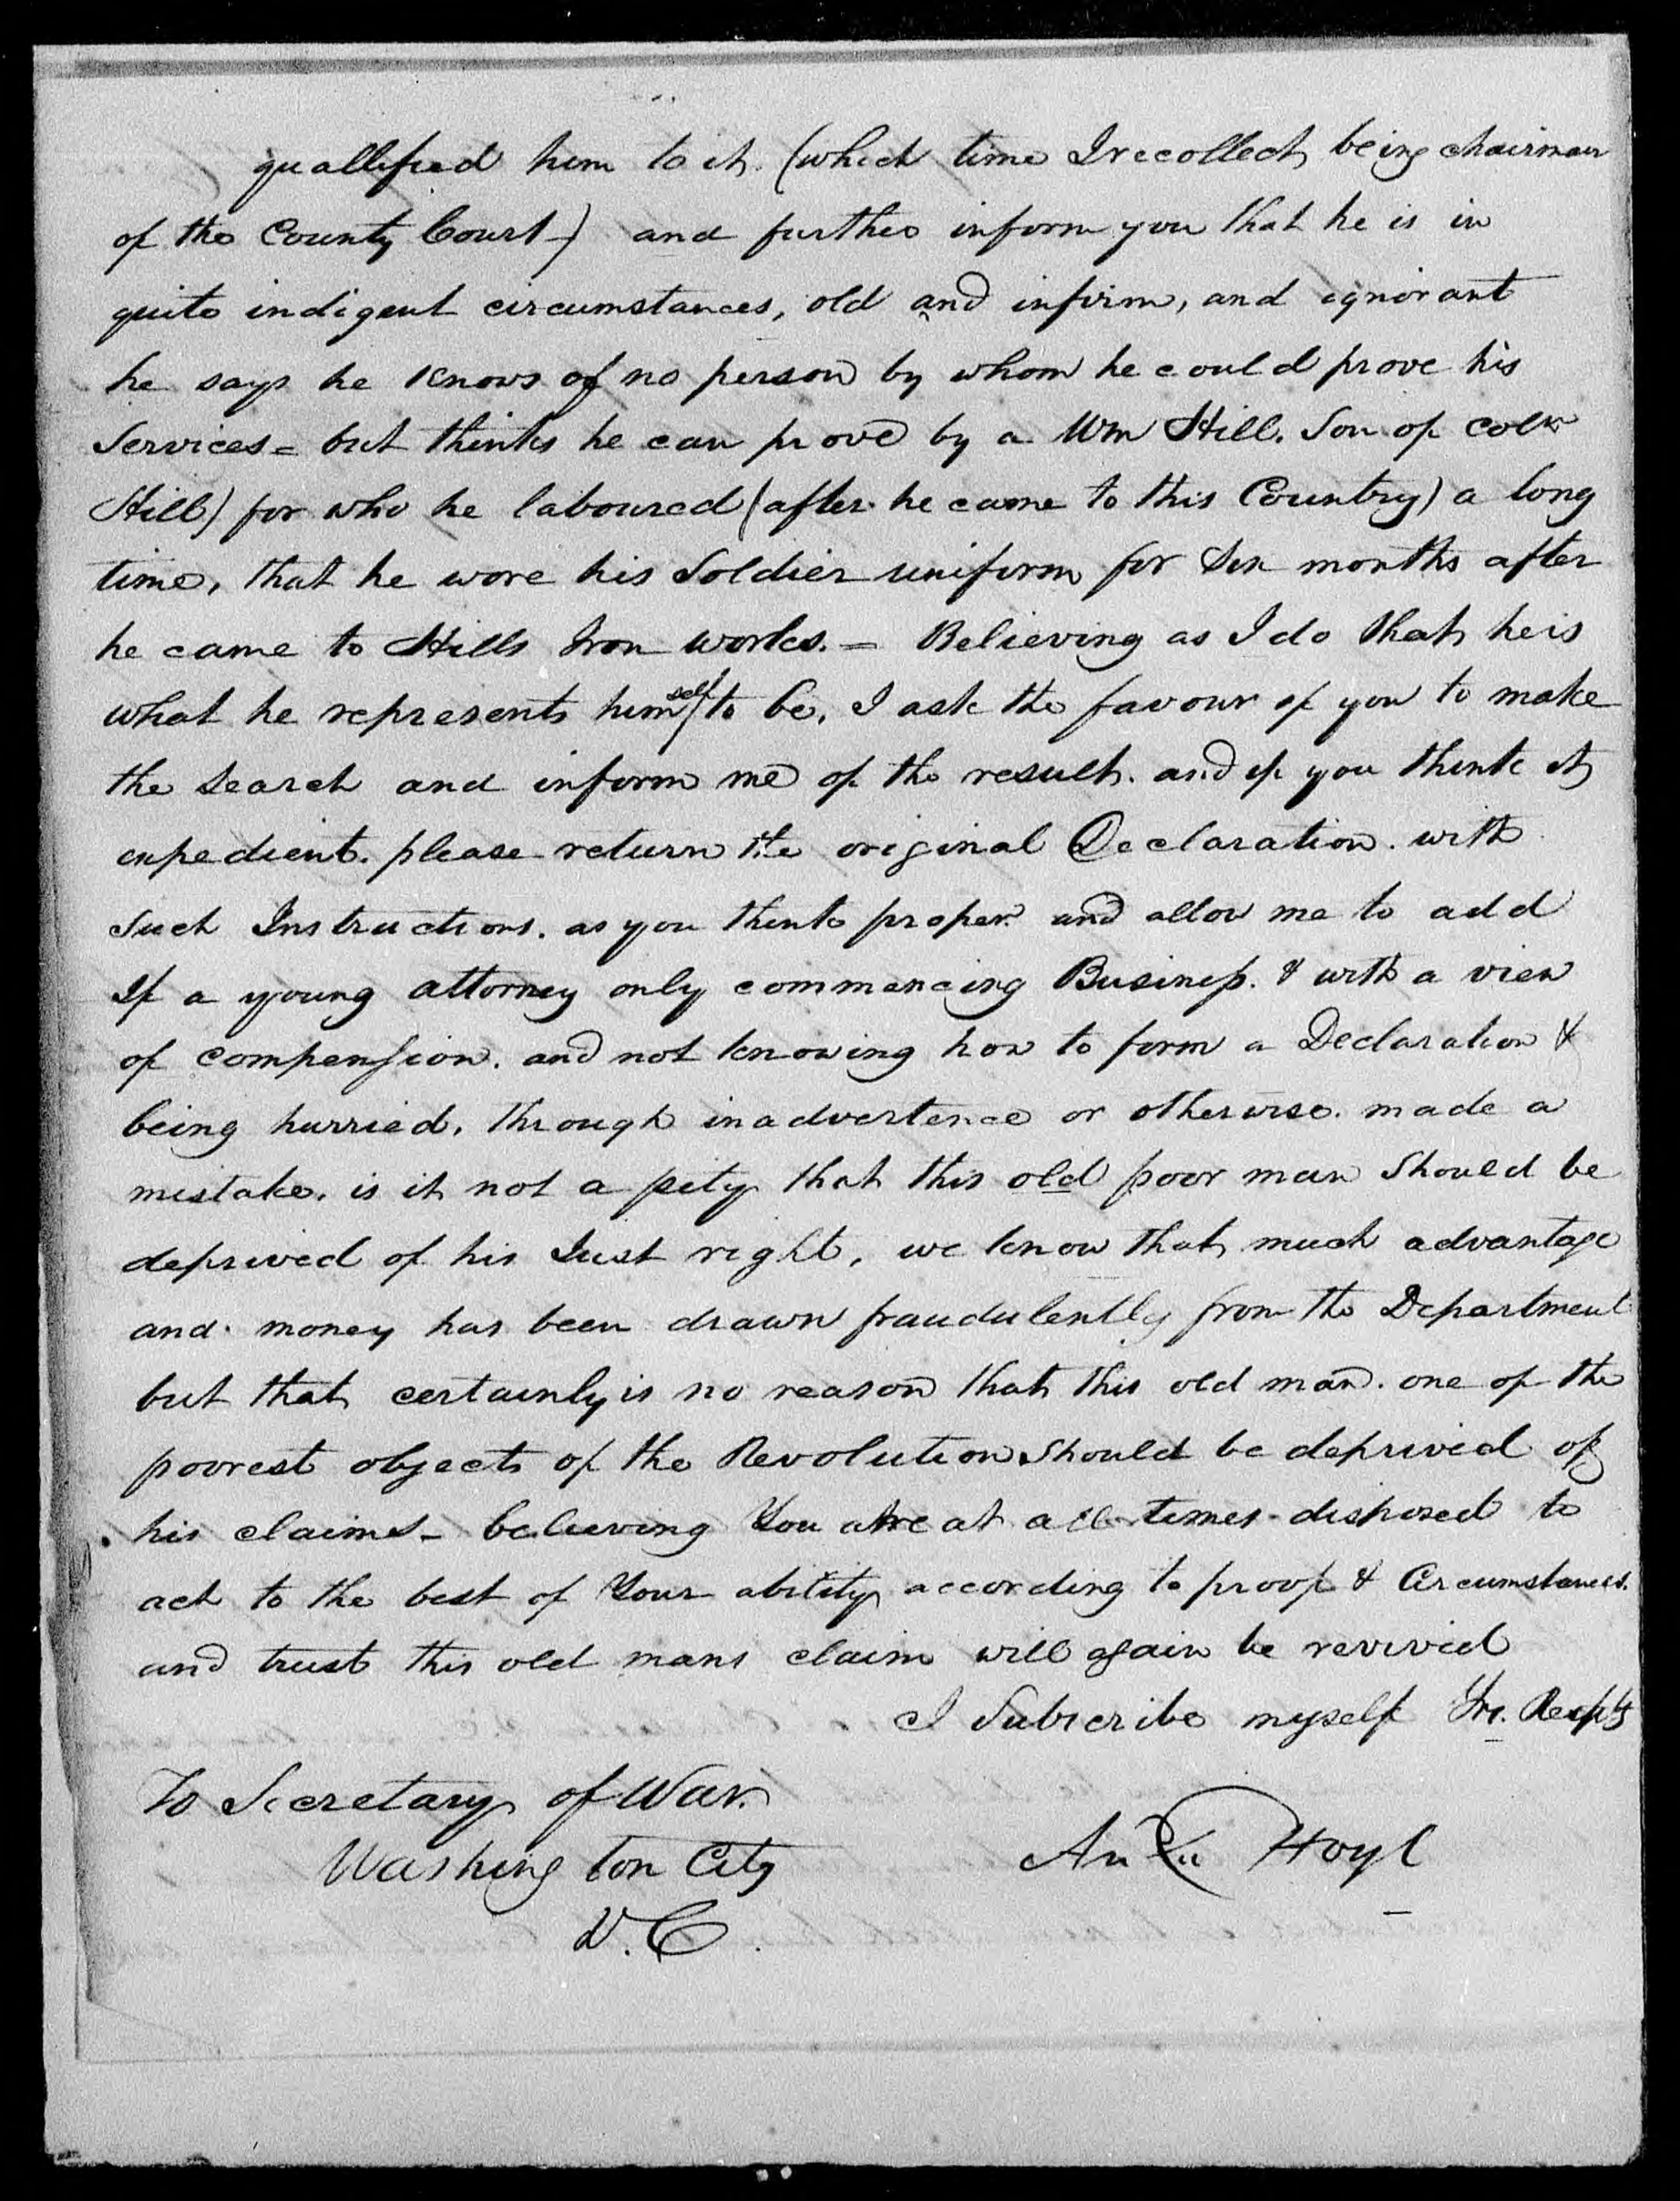quallified [sic] him to it (which time I recollect being chairman of the County Court) and further inform you that he is in quite indigent circumstances, old and infirm, and ignorant he says he knows of no person by whom he could prove his services but thinks he can prove by a Wm Hill, son of Coln Hill for who he laboured after he came to this Country a long time, that he wore his soldier uniform for the months after he came to Hills Iron Works.  --Believing as I do that he is what he represents himself to be, I ask the favour [sic] of you to make the search and inform me of the results and if you think it expedient, please return the original Declaration with such Instructions as you think proper and allow me to add if a young attorney only commencing Business + with a view of compassion and now knowing how to form a Declaration + being harried, through inadvertence or otherwise made a mistake , is it not a pity that this old poor man should be deprived of his just right, we know that much advantage and money has been drawn fraudulently from the Department but that certainly is no reason that this old man one of the poorest objects of the Revolution should be deprived of this claims--believing you are at times disposed to act to the best of your ability according to proof and Circumstances and trust this old mans claim will again be revived.

I subscribe myself Yrs Resptf
Andr Hoyl

To Secretary of War
Washington City 
D. C.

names: Andw Hoyl, Hill, Wm Hill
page: 9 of 11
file: R., John Foy, New Jersey